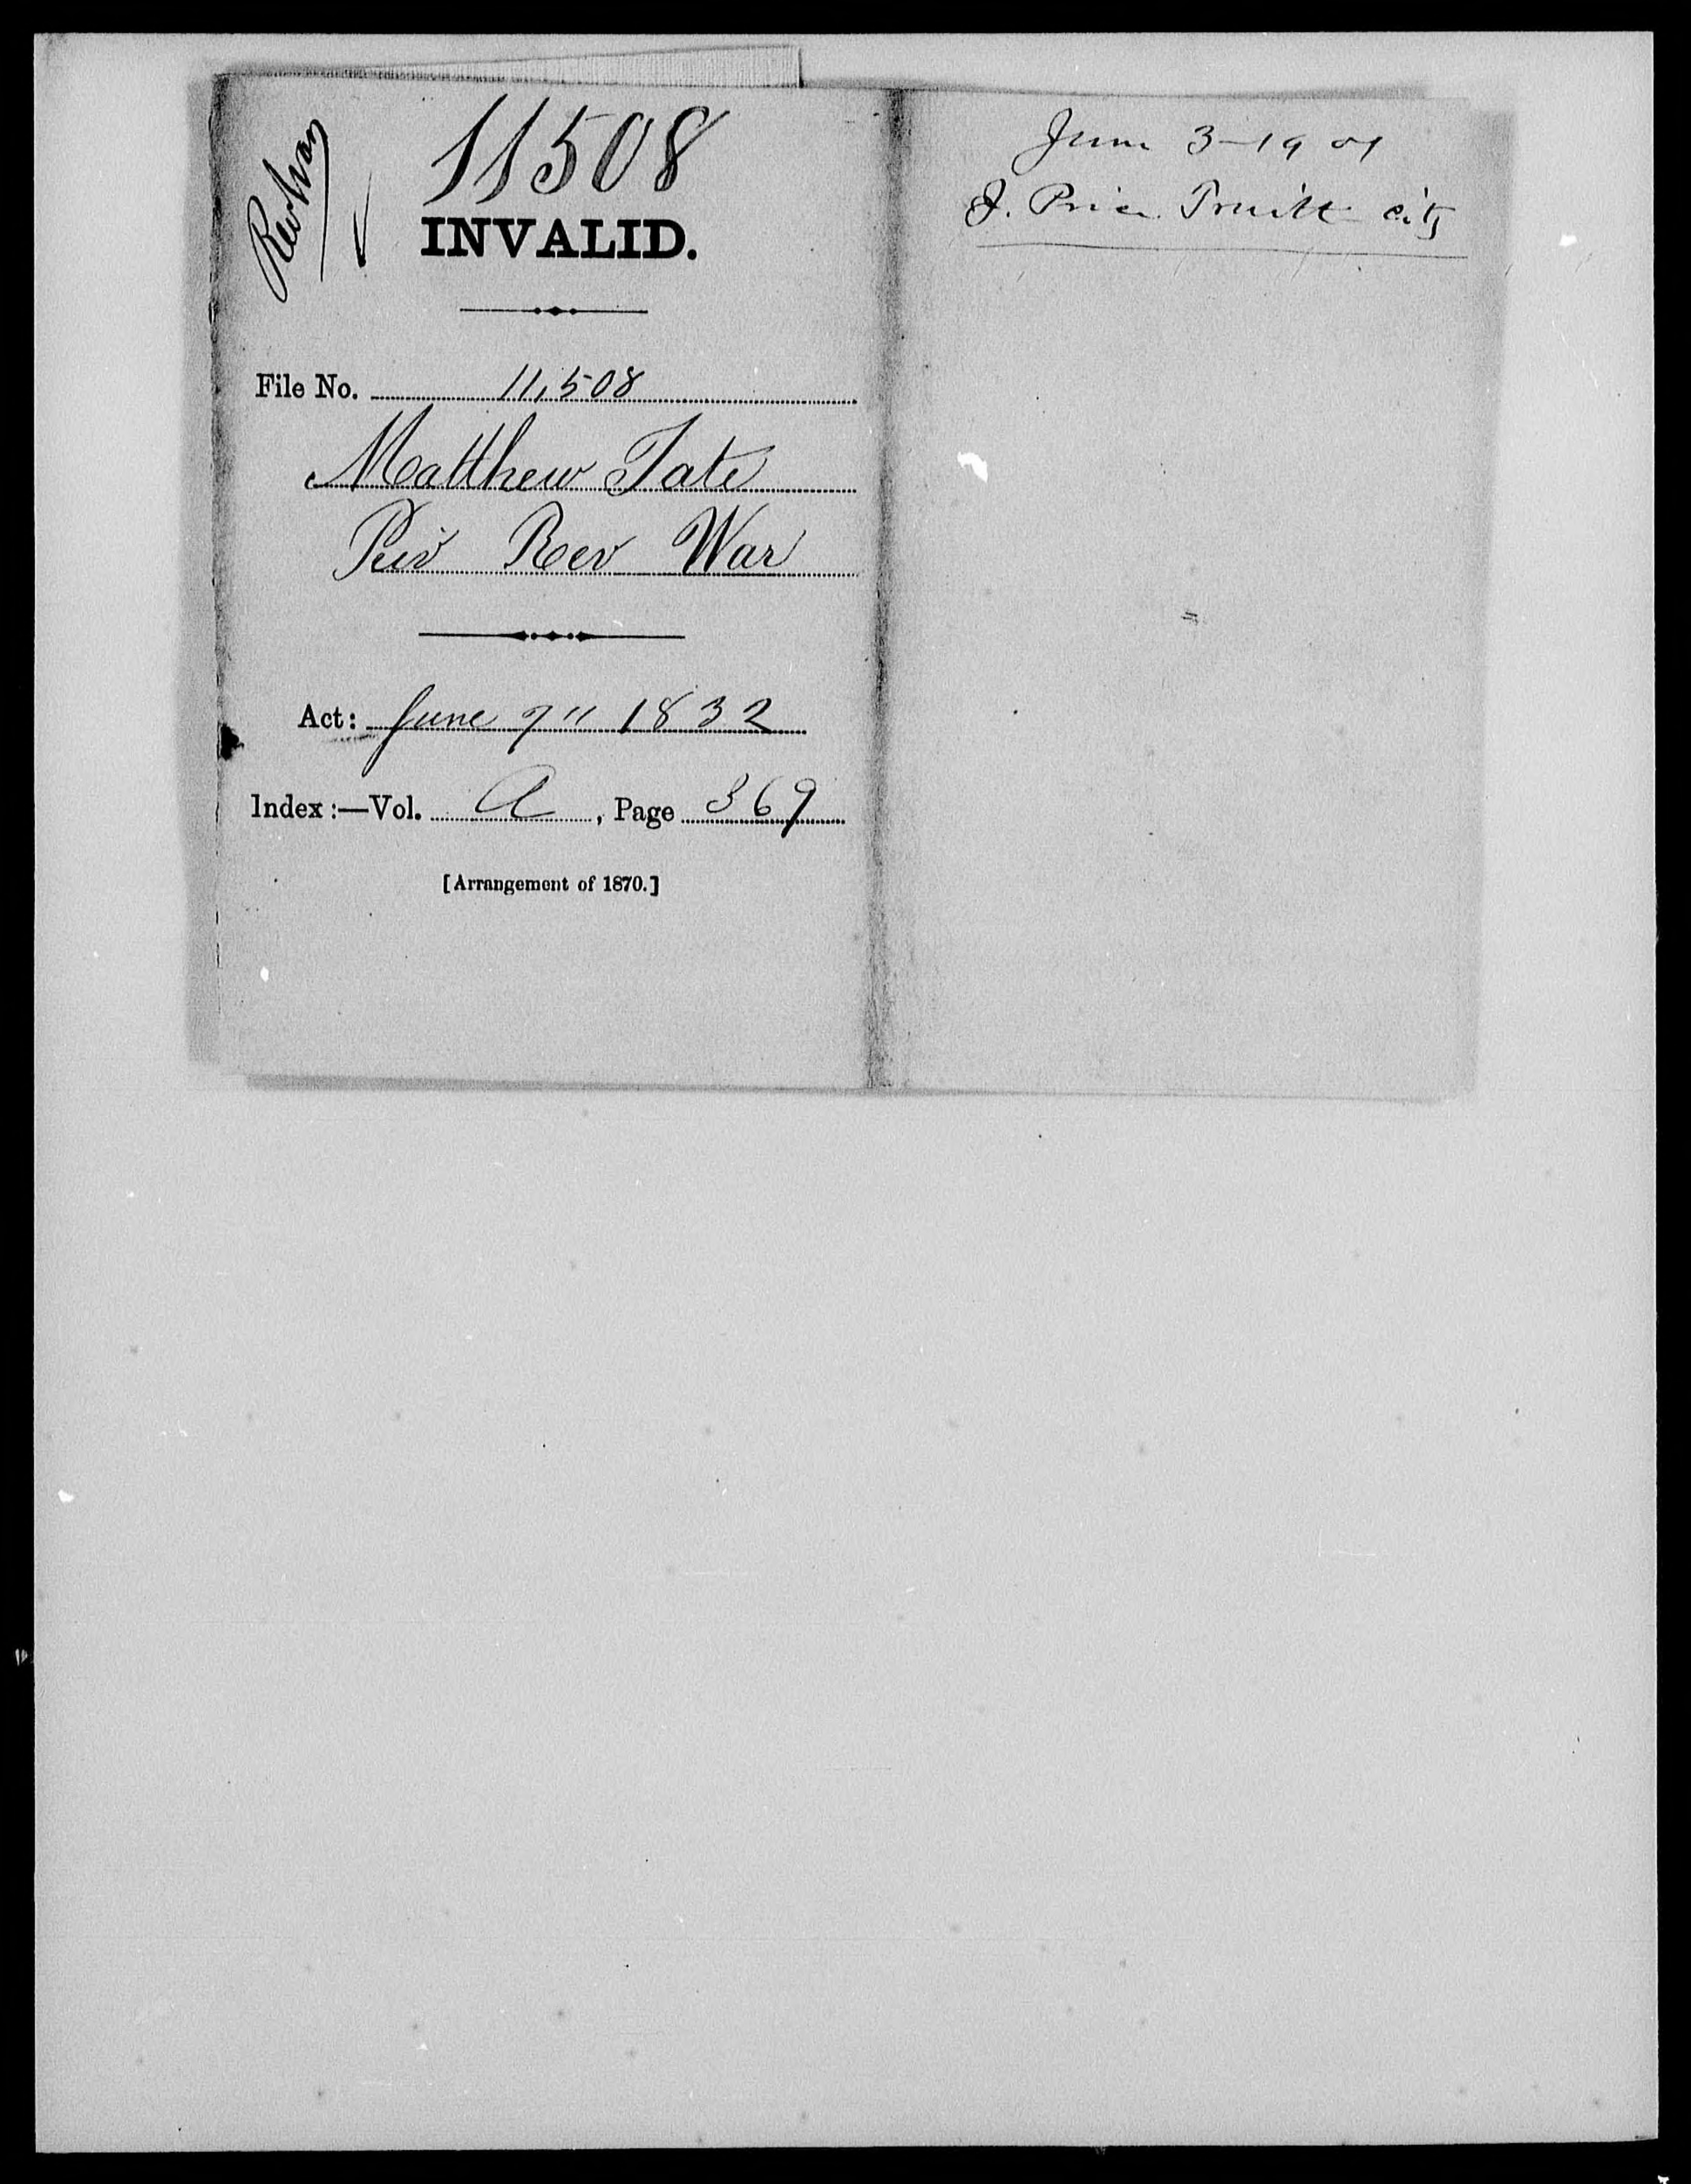Revhan
11508
INVAILD.
File No. 11.508
Matthew Tate
Per Rev War
Act: June 7th 1832
Index:- Vol A Page 369
June 3 1901
J. Price Truitt City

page: 10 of 18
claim: survivor's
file: S. 11,508, for Mathew Tate, Virginia